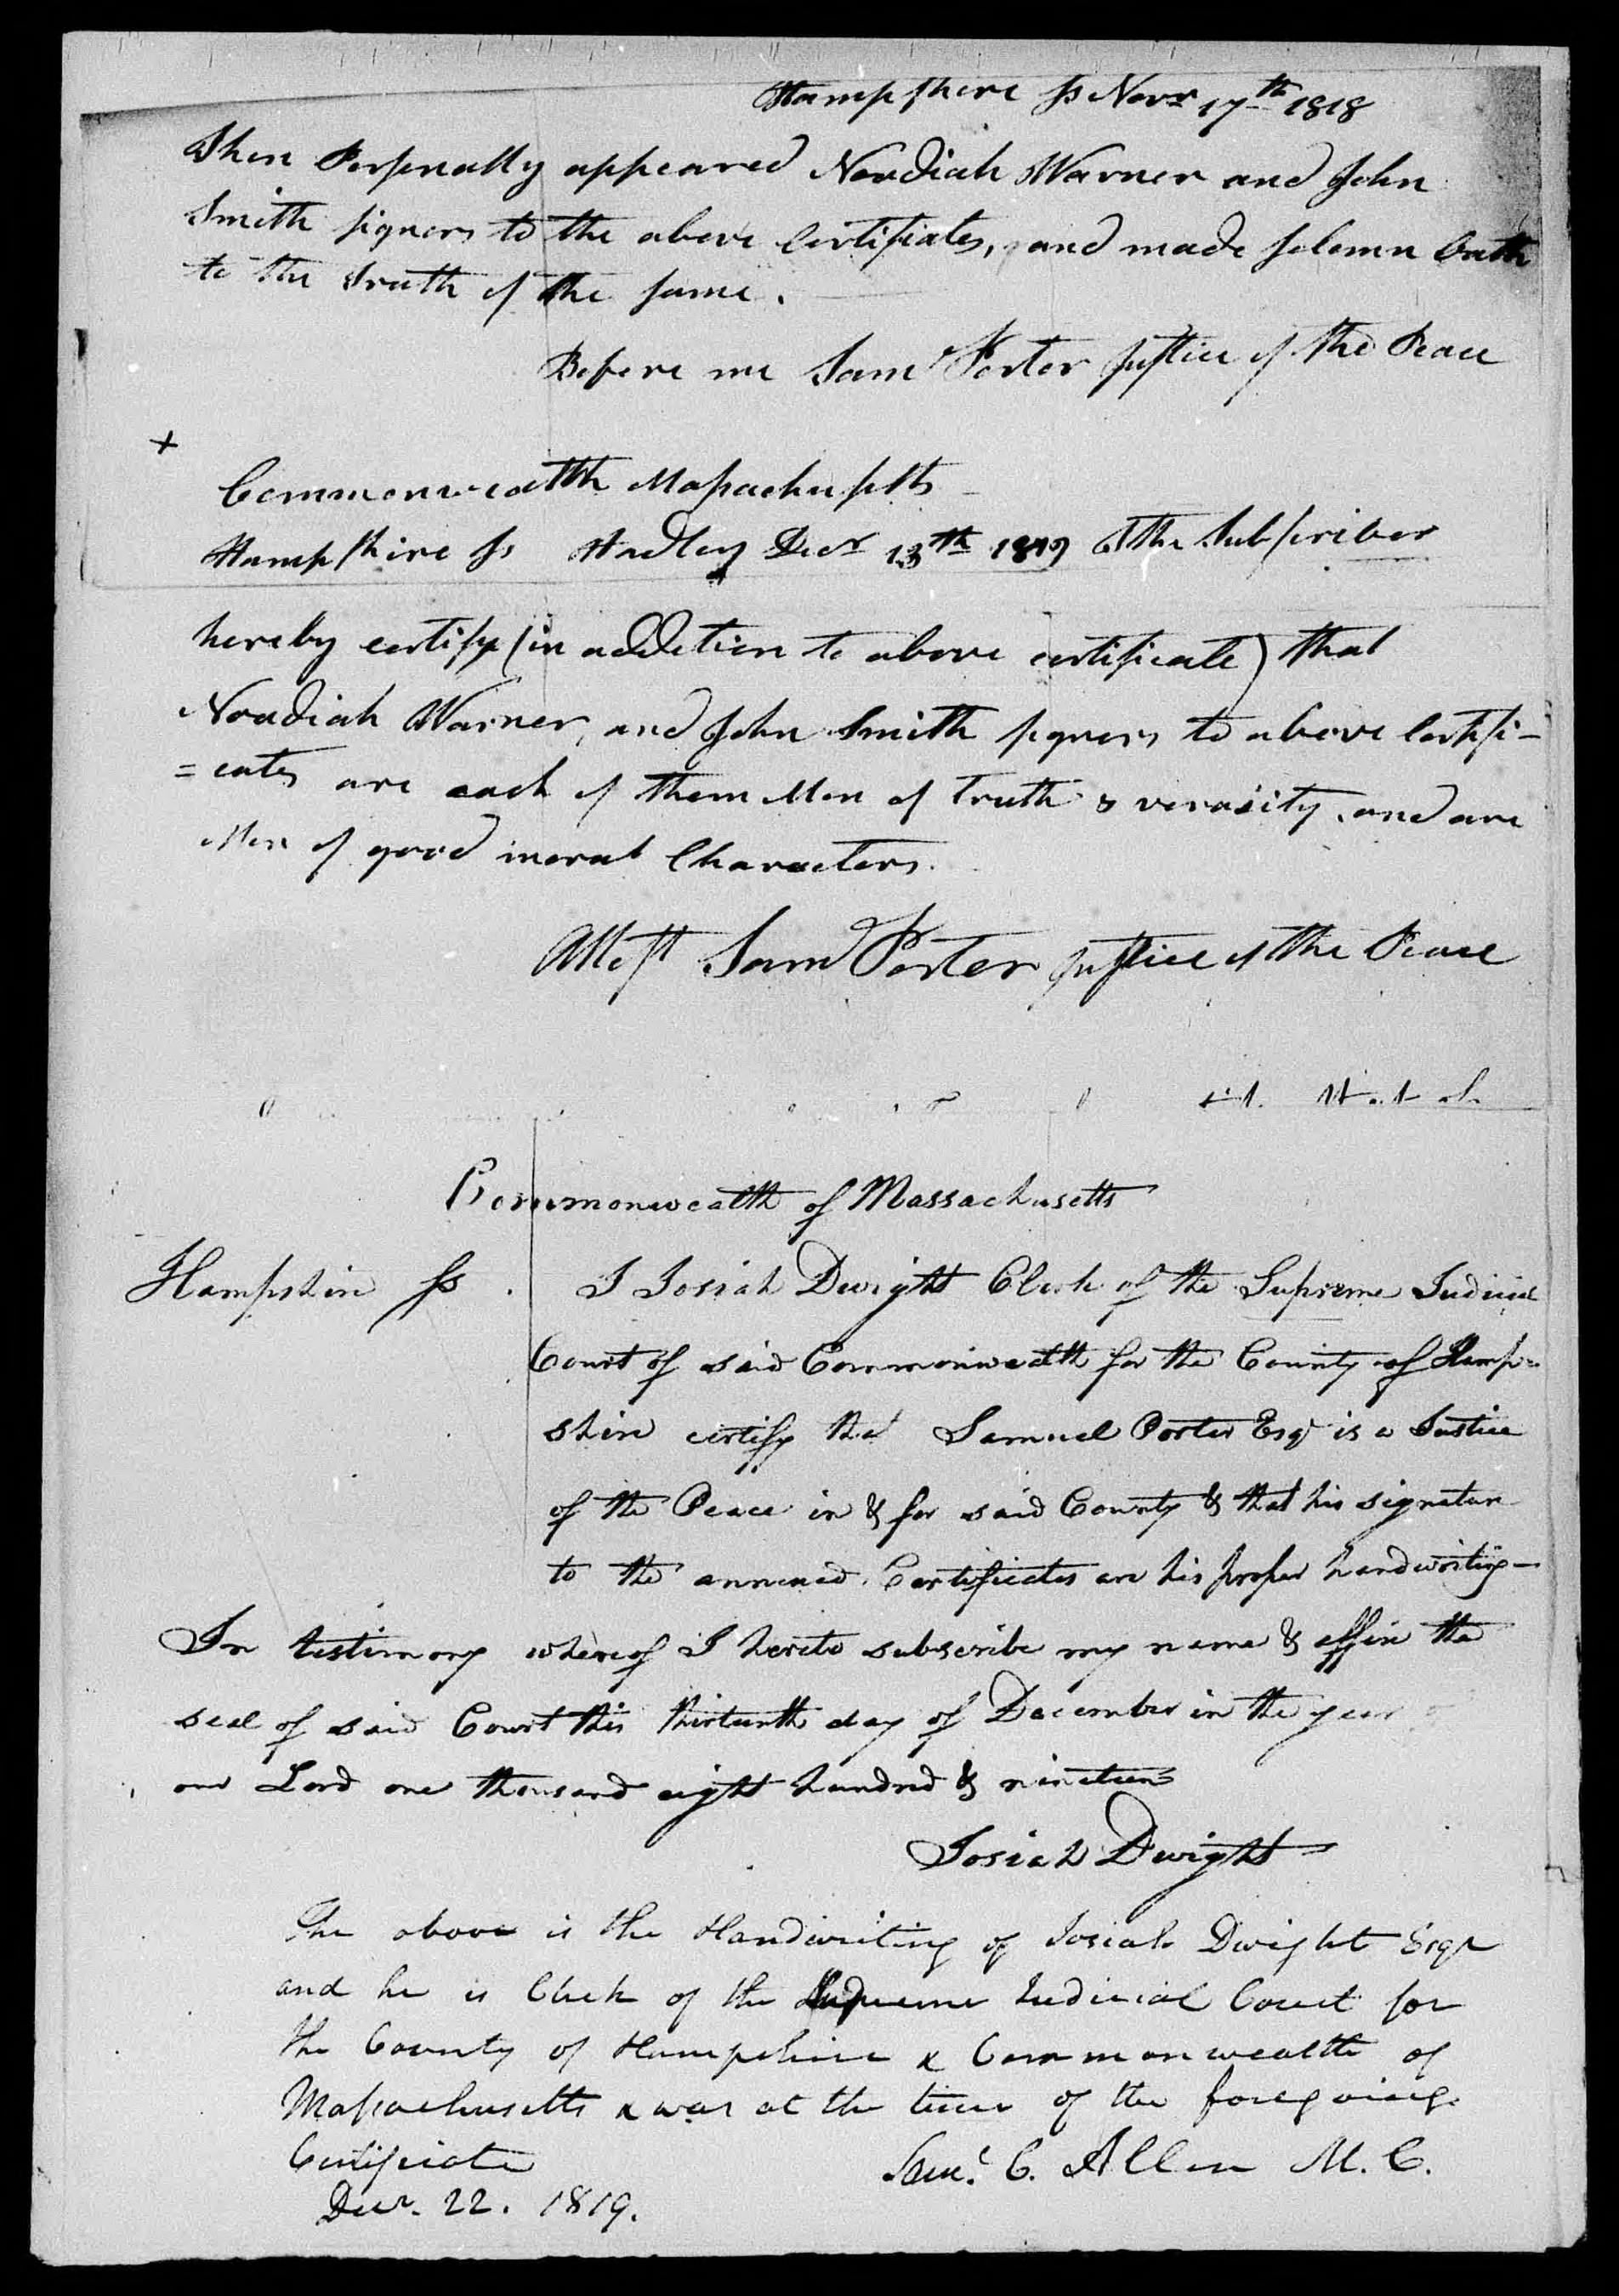Hampshire Ss  Nov 17th 1818

When personally appeared Noadiah Warner and John Smith signers to the above certificates and made solemn oath to the truth of the same.

Before me Sam'l Porter  Justice of the Peace

Commonwealth Massachusetts
Hampshire Ss.    (illegible) Dec 13th 1819 to the 
subscriber hereby certify in addition to the above certificate that Joadiah Warner and John Smith signers to the above certificates are each of them men of truth & veracity and are men of good moral characters.
( Attest?) Sam'l Porter 
Justice of the Peace

Commonwealth of Massachusetts
Hampshire Ss.     I Josiah Dwight Clerk of the Supreme Judicial Court of said Commonwealth for the County of Hampshire certify that Samuel Porter Esq is a Justice of the Peace in & for said County & that his signature to the annexed Certificates is his proper handwriting_ 
In testimony whereof I hereto subscribe my name & affix the seal of said Court this thirteenth day of December in the year of our Lord one thousand eight hundred & nineteen
Josiah Dwight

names: Josiah Dwight, Noadiah Warner, John Smith, Saml Porter, Noadiah Warner, Saml Porter, Josiah Dwight, John Smith, Samuel Porter, Josiah Dwight, Saml C Allen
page: 25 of 31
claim: widow's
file: W. 22946, Joel Dickinson, Mass.